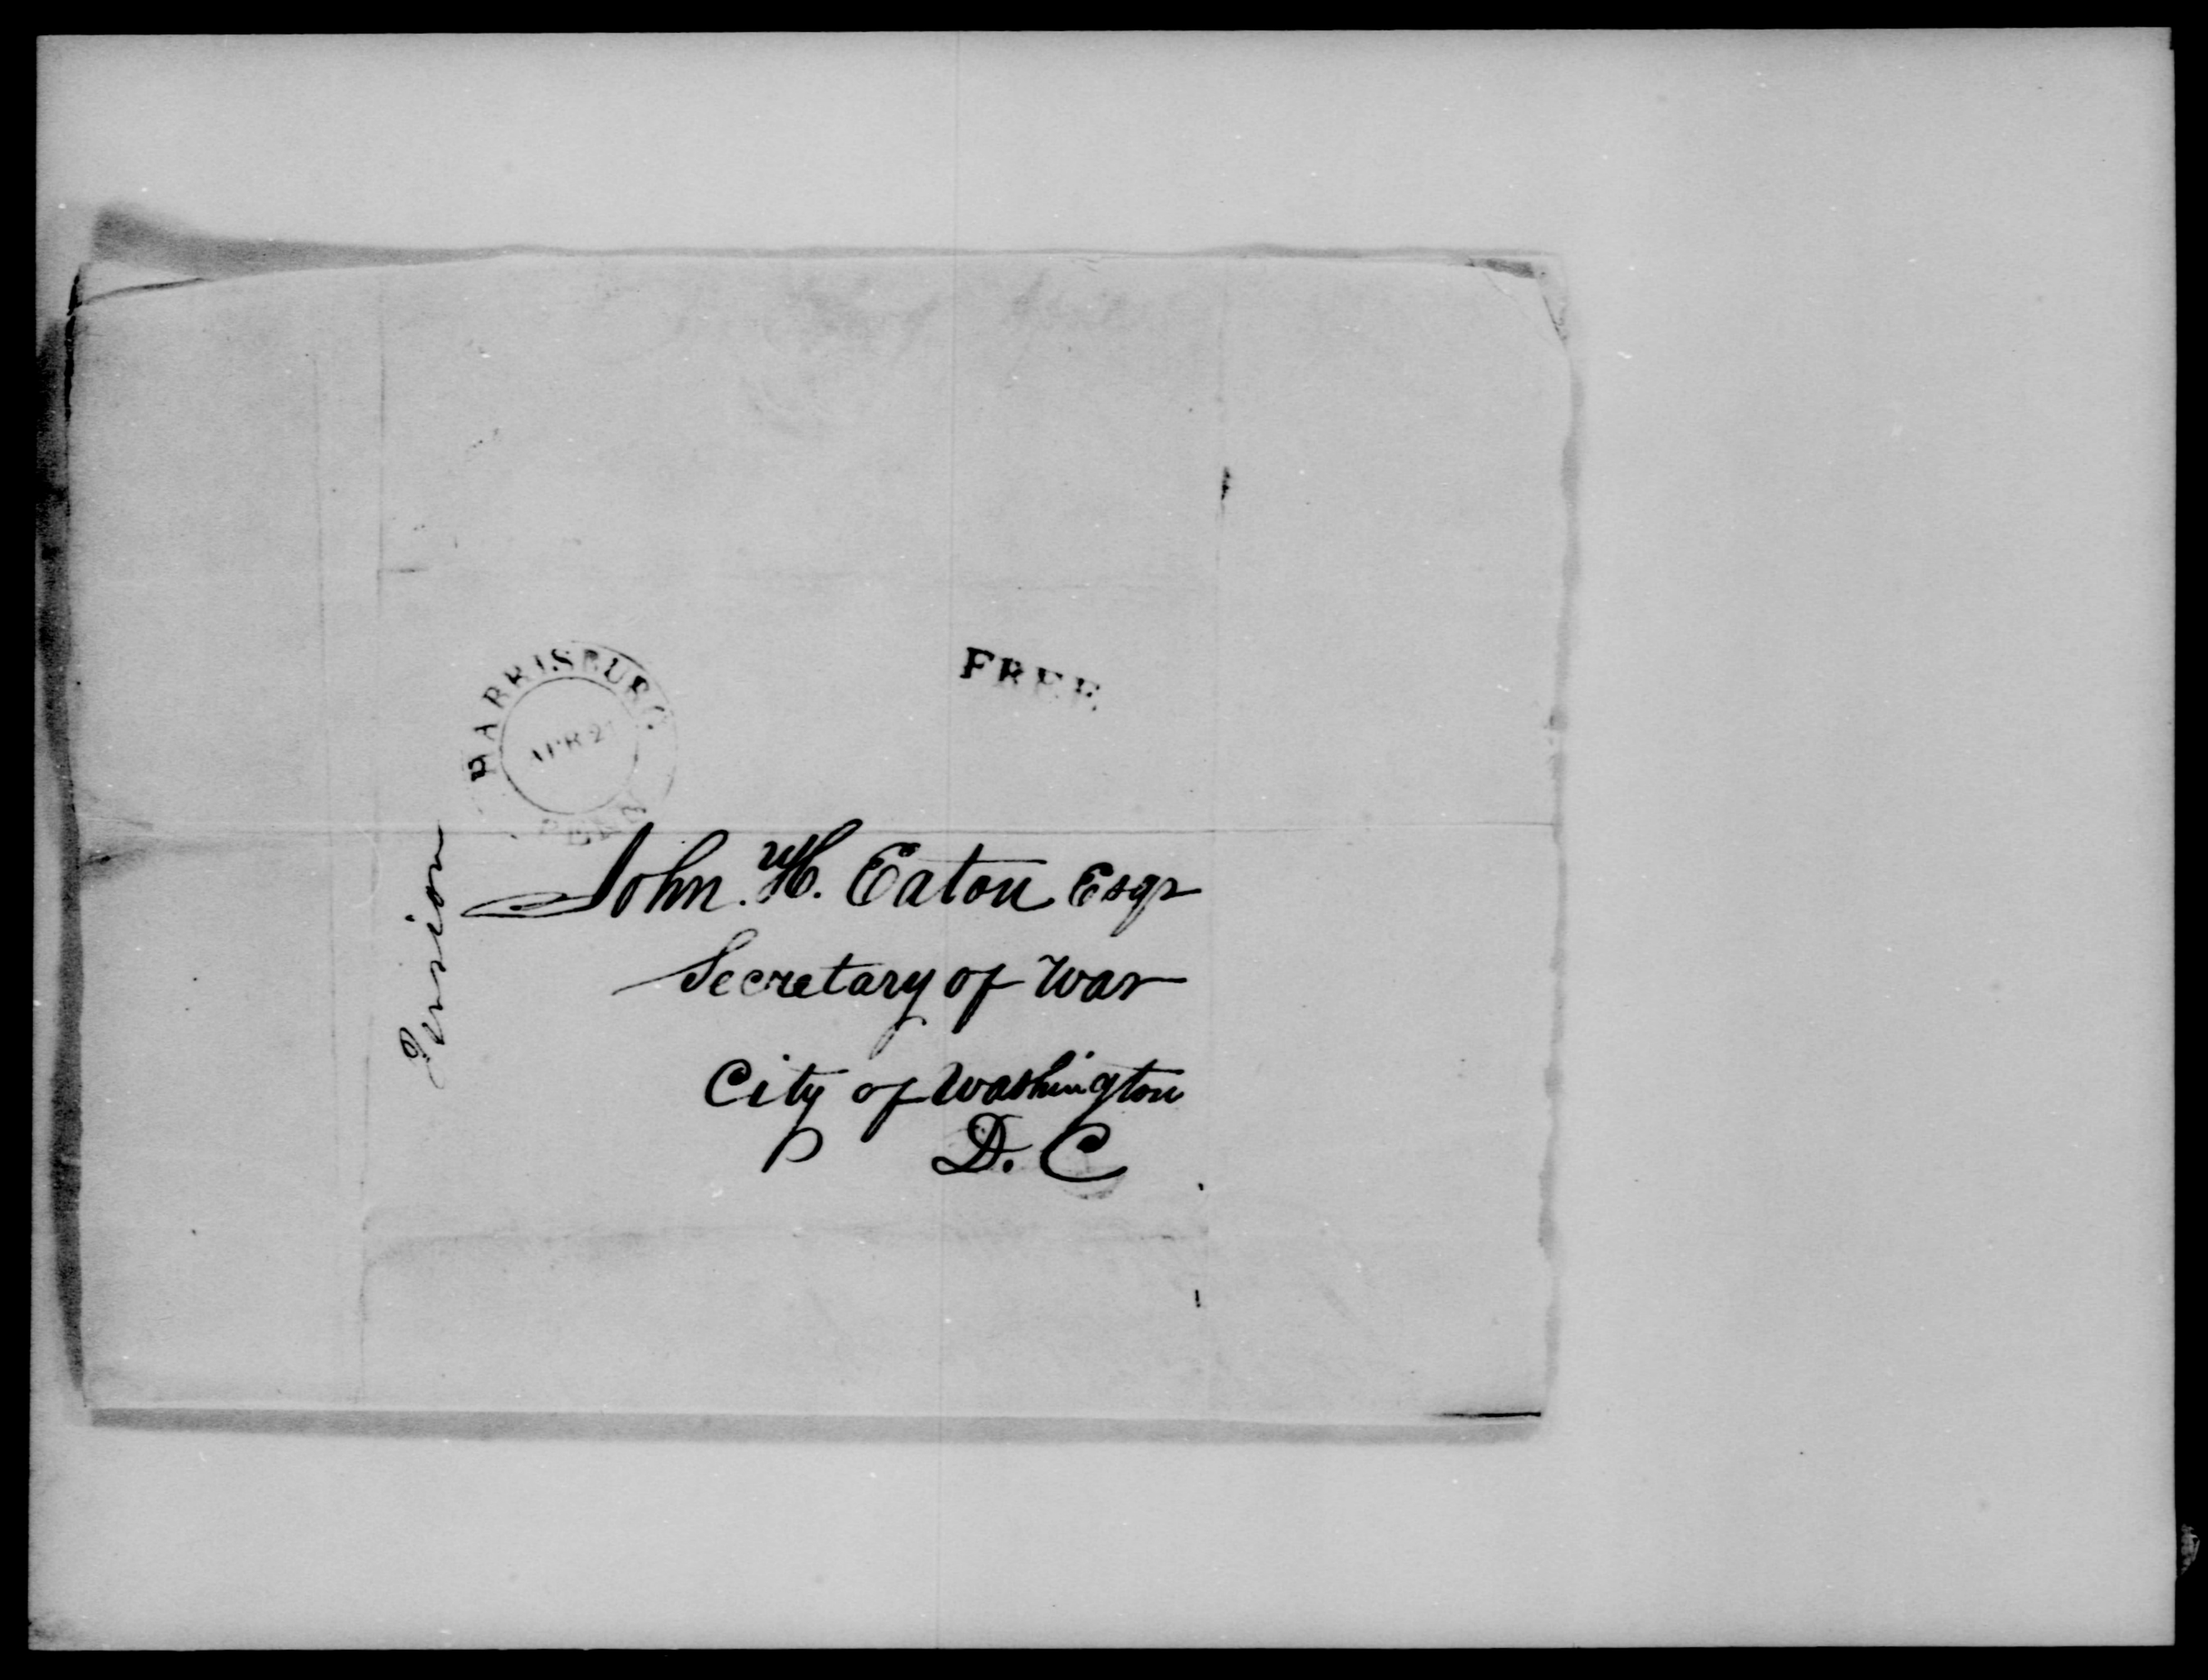{stamp: Harrisburg Penn
Apr. 27

FREE

pension

John H. Eaton Esqr.
Secretary of War
City of Washington D.C.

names: John H Eaton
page: 13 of 20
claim: survivor's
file: S 40454, for Edward Smith, Pennsylvania